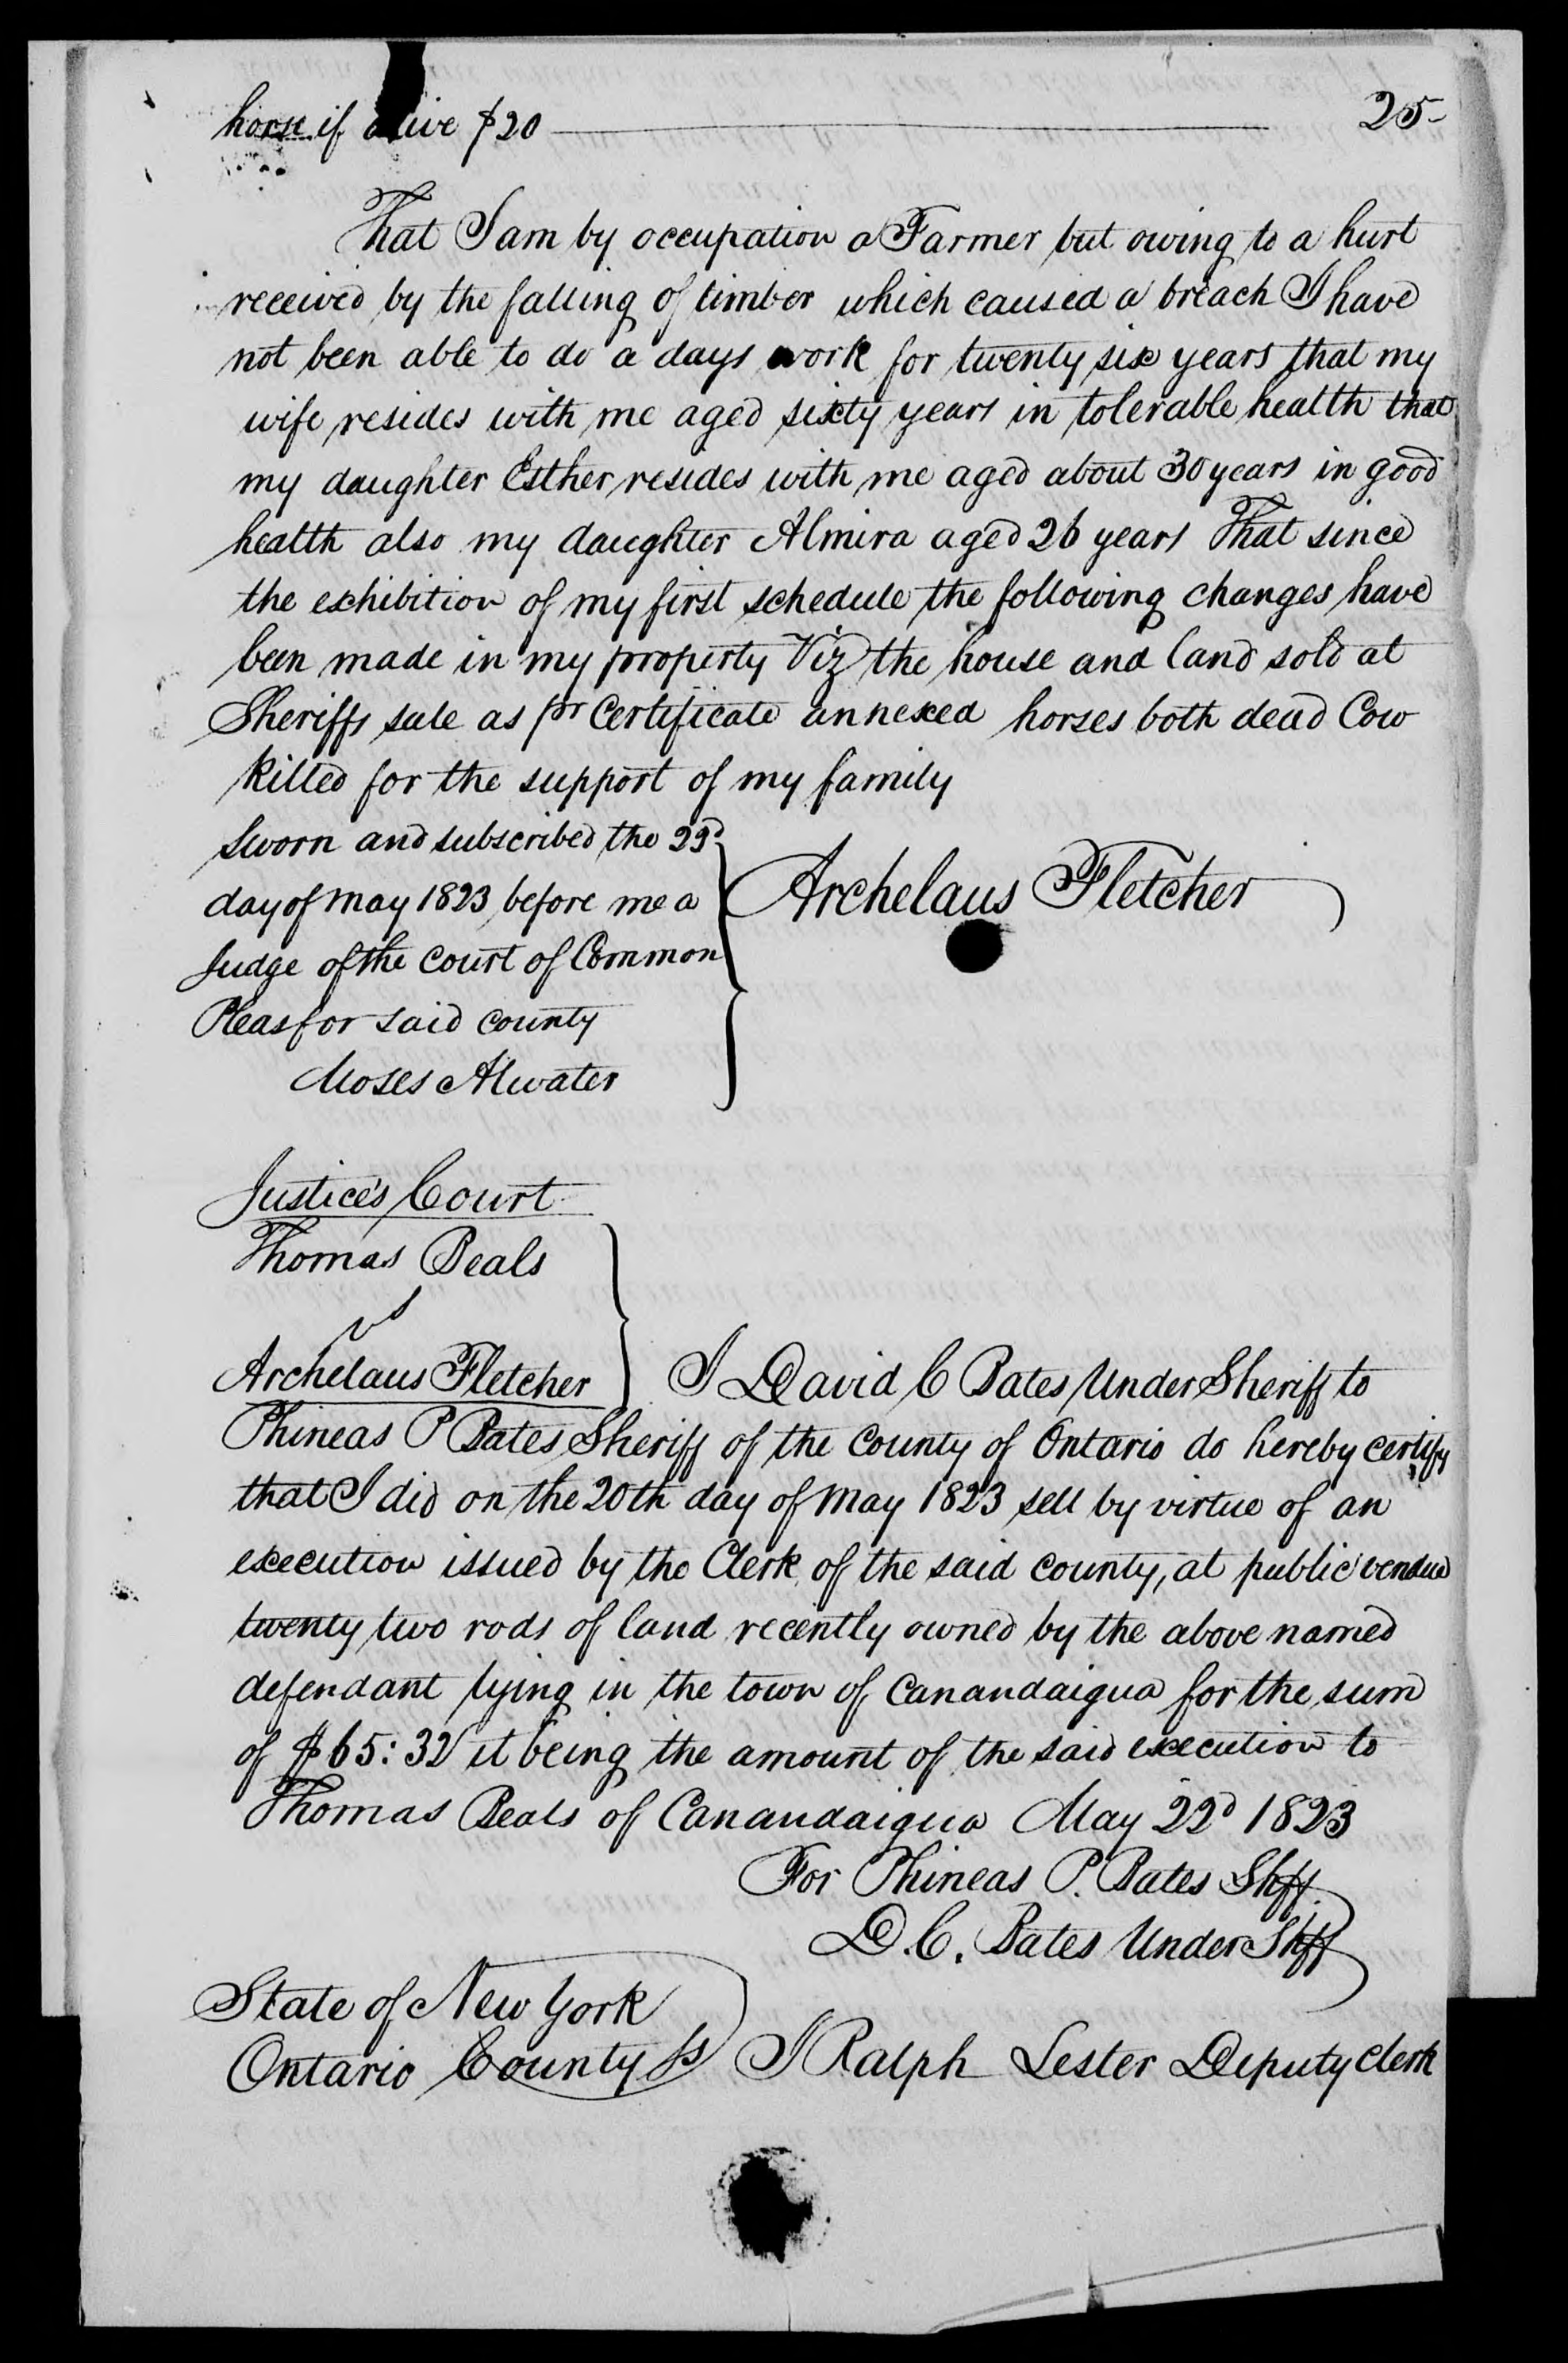That I am by occupation a Farmer but owing to a hurt received by the falling of timber which caused a breach I have not been able to do a days work for twenty six years that my wife resides with me aged sixty years in tolerable health that my daughter Esther resides with me aged about 30 years in good health also my daughter Almira aged 26 years that since the exhibition of my first schedule the following changes have been made in my property Viz the house and land sold at Sheriffs sale as pr certificate annexed horses both dead Cow killed for the support of my family
Sworn and subscribed to the 22d day of May 1823 before me a Judge of the Court of Common Peas for said county
Moses Atwater 
(signed) Archelaus Fletcher

Justice's Court
Thomas Beals and Archelaus Fletcher} I David C Bates underSheriff to Phineas P Bates Sheriff of the county of Ontario do hereby certify that I did on the 20th day of May 1823 sell by virtue of an execution  issued by teh clerk of the said county, at public vendue twenty rods of land recently owned by the above named defendant lying in the town of Canandaigua for the sum of $65:32 it being the amount of the said execution to Thomas Beals of Canandaigua May 22d 1823
For Phineas P Bates Shff.
State of New York, Ontario County
I, Ralph Lester Deputy Clerk...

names: Moses Atwater, David C Bates, Archelaus Fletcher, D C Bates, Thomas Beals, Ralph Lester, Thomas Beals, Phineas P Bates, Almira, Phineas P Bates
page: 9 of 18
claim: survivor's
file: S. 44822, Archelaus Fletcher, Mass.